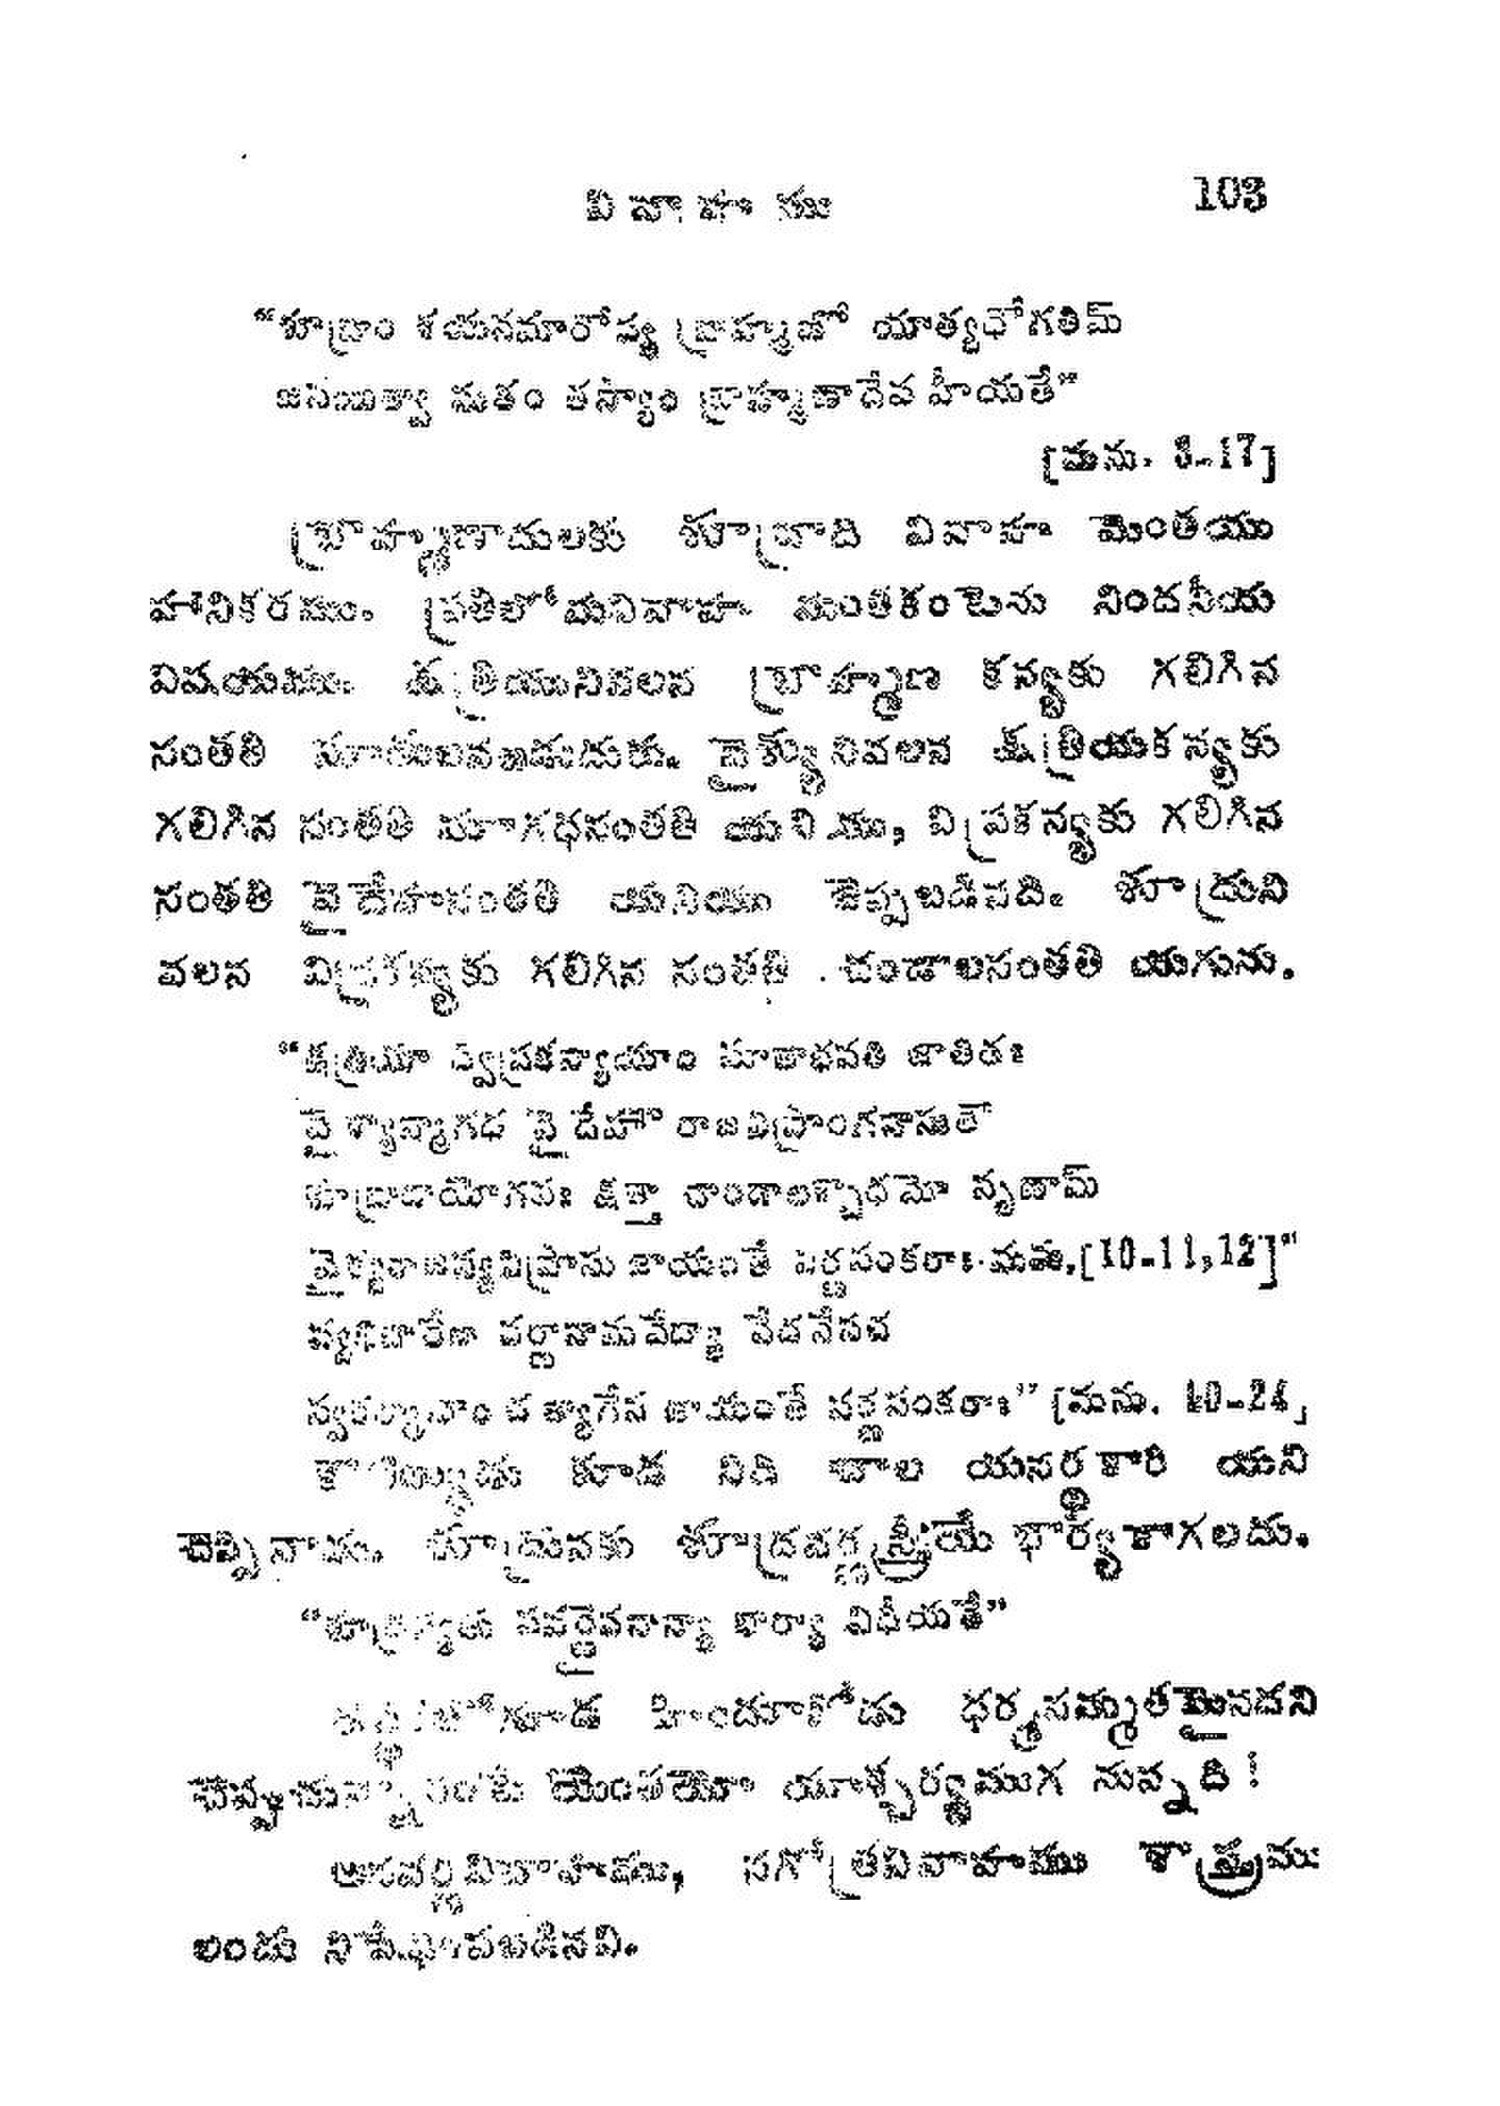"శూద్రాం శయనమారోప్య బ్రాహ్మణో యాత్యధోగతిమ్
జనయిత్వా సుతం తస్యాం బ్రాహ్మణాదేవ హీయతే”
 (మను. 8-17]
 
బ్రాహ్మణాదులకు శూద్రాది వివాహ మెంతయు
హానికరము. ప్రతిలోమనివాహ మంతకంటెను నిందనీయ
విషయము. క్షత్రియునివలన బ్రాహ్మణ కన్యకు గలిగిన
సంతతి సూతులనబడుదురు. వైశ్యునివలన క్షత్రియకన్యకు
గలిగిన సంతతి మాగధవంసంతతి యనియు, విప్రకన్యకు గలిగిన
సంతతి వైదేహసంతతి యనియు జెప్పబడినది. శూద్రుని
వలన విప్రకన్యకు గలిగిన సంతతి చండాలసంతతి యగును.

"క్షత్రియాద్విప్రకన్యాయాం సూతాభవతి జాతితః
వైశ్యాన్మాగధ వైదేహో రాజవిప్రాంగనాసుతౌ
శూద్రాదాయోగవః క్షత్తా చాండాలశ్చాధమో నృణామ్
వైశ్యరాజన్య విప్రాసు జాయంతే వర్ణసంకరాః" [మను 10-11,12]

వ్యభిచారేణ వర్ణానామవేద్యా వేదనేనచ
స్వకర్మణాం చ త్యాగేన జాయంతే వర్ణసంకరాః" [మను. 10-24]

కౌటిల్యుడు కూడ నిది చాల యనర్లకారి యని
చెప్పినాడు. శూద్రునకు శూద్రవర్ణ స్త్రీయే భార్య కాగలదు. 

"శూద్రస్యతు సవర్ణైవనాన్యా భార్యా విధీయతే"

.....గూడ హిందూకోడు ధర్మసమ్మతమైనదని
చెప్పుచున్నారంటే యెంతయో యాశ్చర్యముగ నున్నది!
అసవర్ణ వివాహము, సగోత్రకవివాహము శాస్త్రము
లందు నిషేధింపబడినవి.